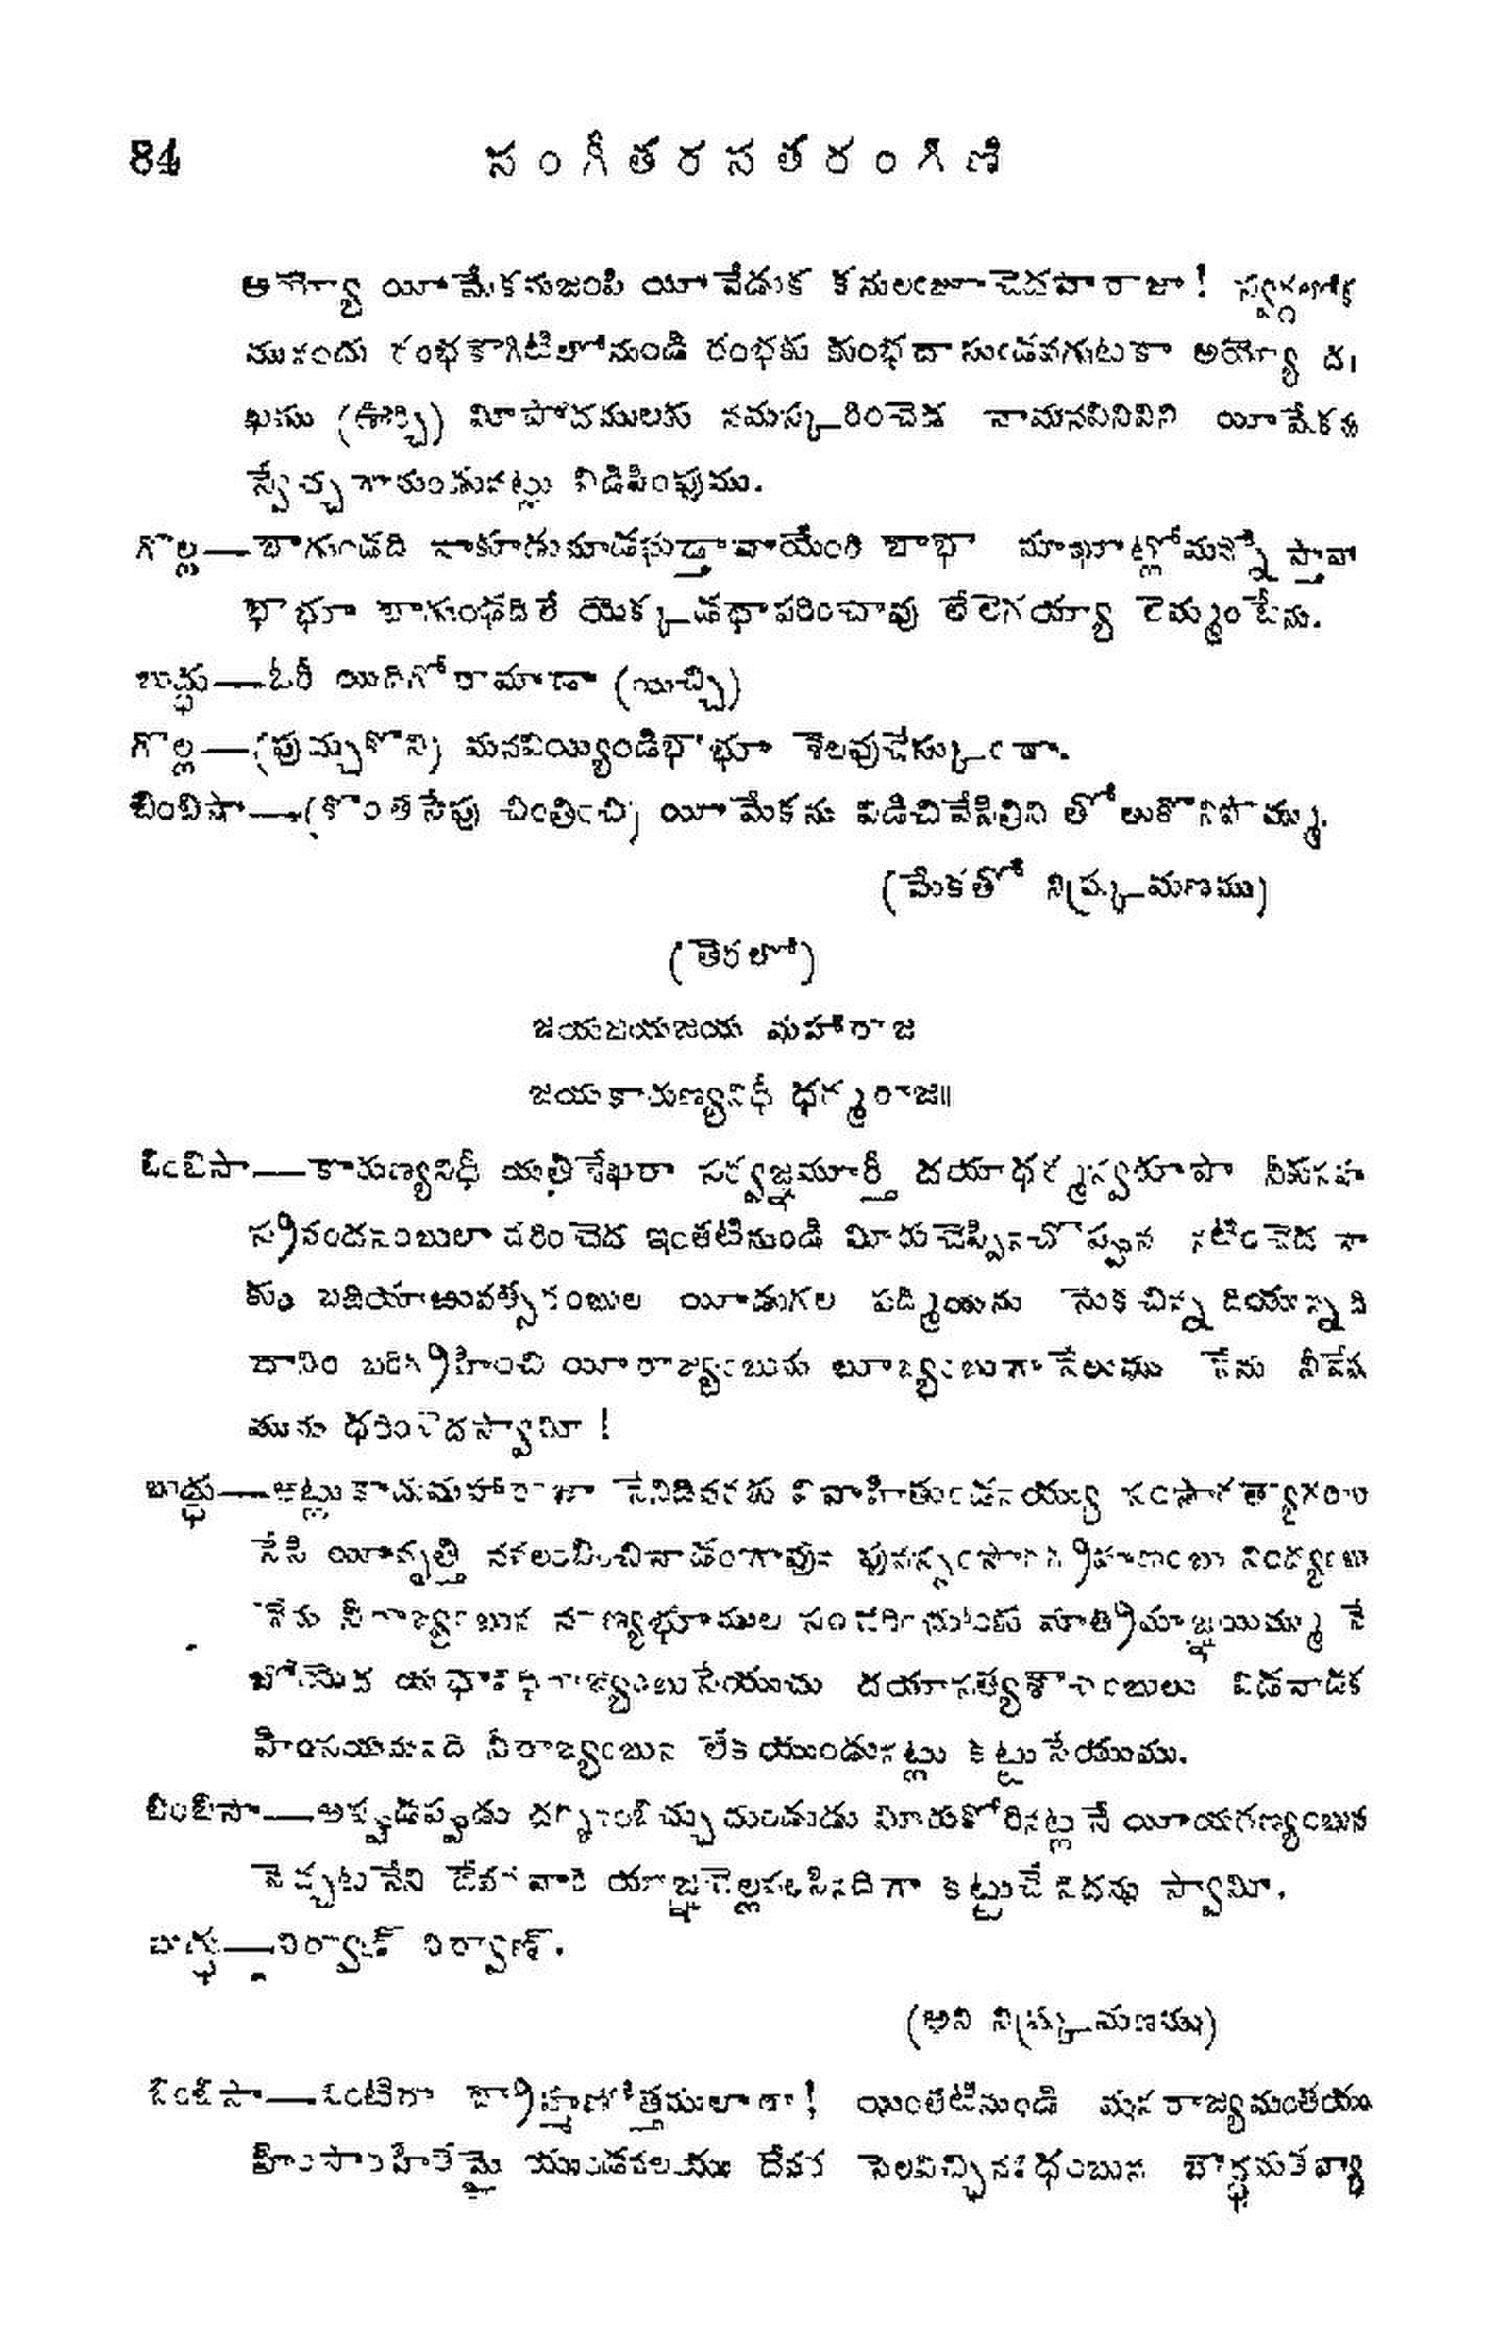అయ్యో యీమేకనుజంపి యీ వేడుక కనులఁజూచెదారాజ! స్వర్గలోమునందు రంభకౌగిటిలోనుండి రంభకు కుంభదాసుఁడవగుటకా 
అయ్యో దుఃఖము (ఊర్చి) మీపాదములకు నమస్కరించెడ నామనవివిని యిమేకను స్వచ్చేగానుండునట్లు విడిపింపుము.

గొల్ల — బాగుండది. నాకూడుమాడచుడ్తావాయేంరి బాభా మాఖంట్లోమన్నోస్తావా
భాభూ భాగుండదిలే యెక్కడథాపరించావు లేలెగయ్యా లెమ్మంటేను.

బుద్ధు — ఓరీ యిదిగోరామాడా (యిచ్చి)

గొల్ల — (పుచ్చుకొని) మనవియ్యిండిబాభూ శెలవు చేస్కుంఁటా 

బింబిసా - (కొంత సేపు చింతించి) యీ మేకను విడిచివేసితిని తోలుకొనిపొమ్ము.

 

బింబిసా - కారుణ్యనిధీ యతిశేఖరా సర్వజ్ఞమూర్తి దయాధర్మస్వరూపా నీకుసహస్రవందనంబులా చరించెద ఇంతటినుండి 
మీరుచెప్పినచొప్పున నటించెద నాకుం బదియాఱువత్సరంబుల యీడుగల పద్మియను నొక చిన్నదియున్నది దానిం బరిగ్రహించి యీరాజ్యంబురు లూజ్యంలుగానేలుము నేను వీవేషమును ధరింనొదస్వామి!

బుద్ధు - అట్లుకాదుమహారాజా నేనిదివరకు వివాహితుండనయ్యు సంసారత్యాగంబు నేసి యీవృత్తి నవలంబించినాడంగావున 
పునస్సంసారగ్రహణంబు నింద్యంబూ నేను నీ రాజ్యంబున నణ్యభూములు సంచరించుటకు మాత్రమాజ్ఞయిమ్ము నెబోయెద 
యధానిధిగా రాజ్యంబుసేయుచు దయాసత్యశానంబులు విడనాడక హింసయమంనదే నీ రాజ్యఁబు లేకయుండునట్లు 
కట్టుసేయుము.

బింబిసా — అప్పుడప్పుడు దర్శించ్చుచుండుడు మీరు కోరినట్లనే యీయరణ్యంబున నెచ్చటనేని దేవరవారి యాజ్ఞ
చెల్లవలసినదిగా కట్టుచేసెదను స్వామి.

బుద్దు - నిర్వాణ్ నిర్వాణ్.

బింబిసా - వింటిరా బ్రాహ్హణోత్తములారా! యింతటినుండి మన రాజ్యమంతయు హింసాంహితమై యువడవలయుఁ దేవవ 
సెలవిచ్చినవిధంబున బౌద్ధమతవ్యా